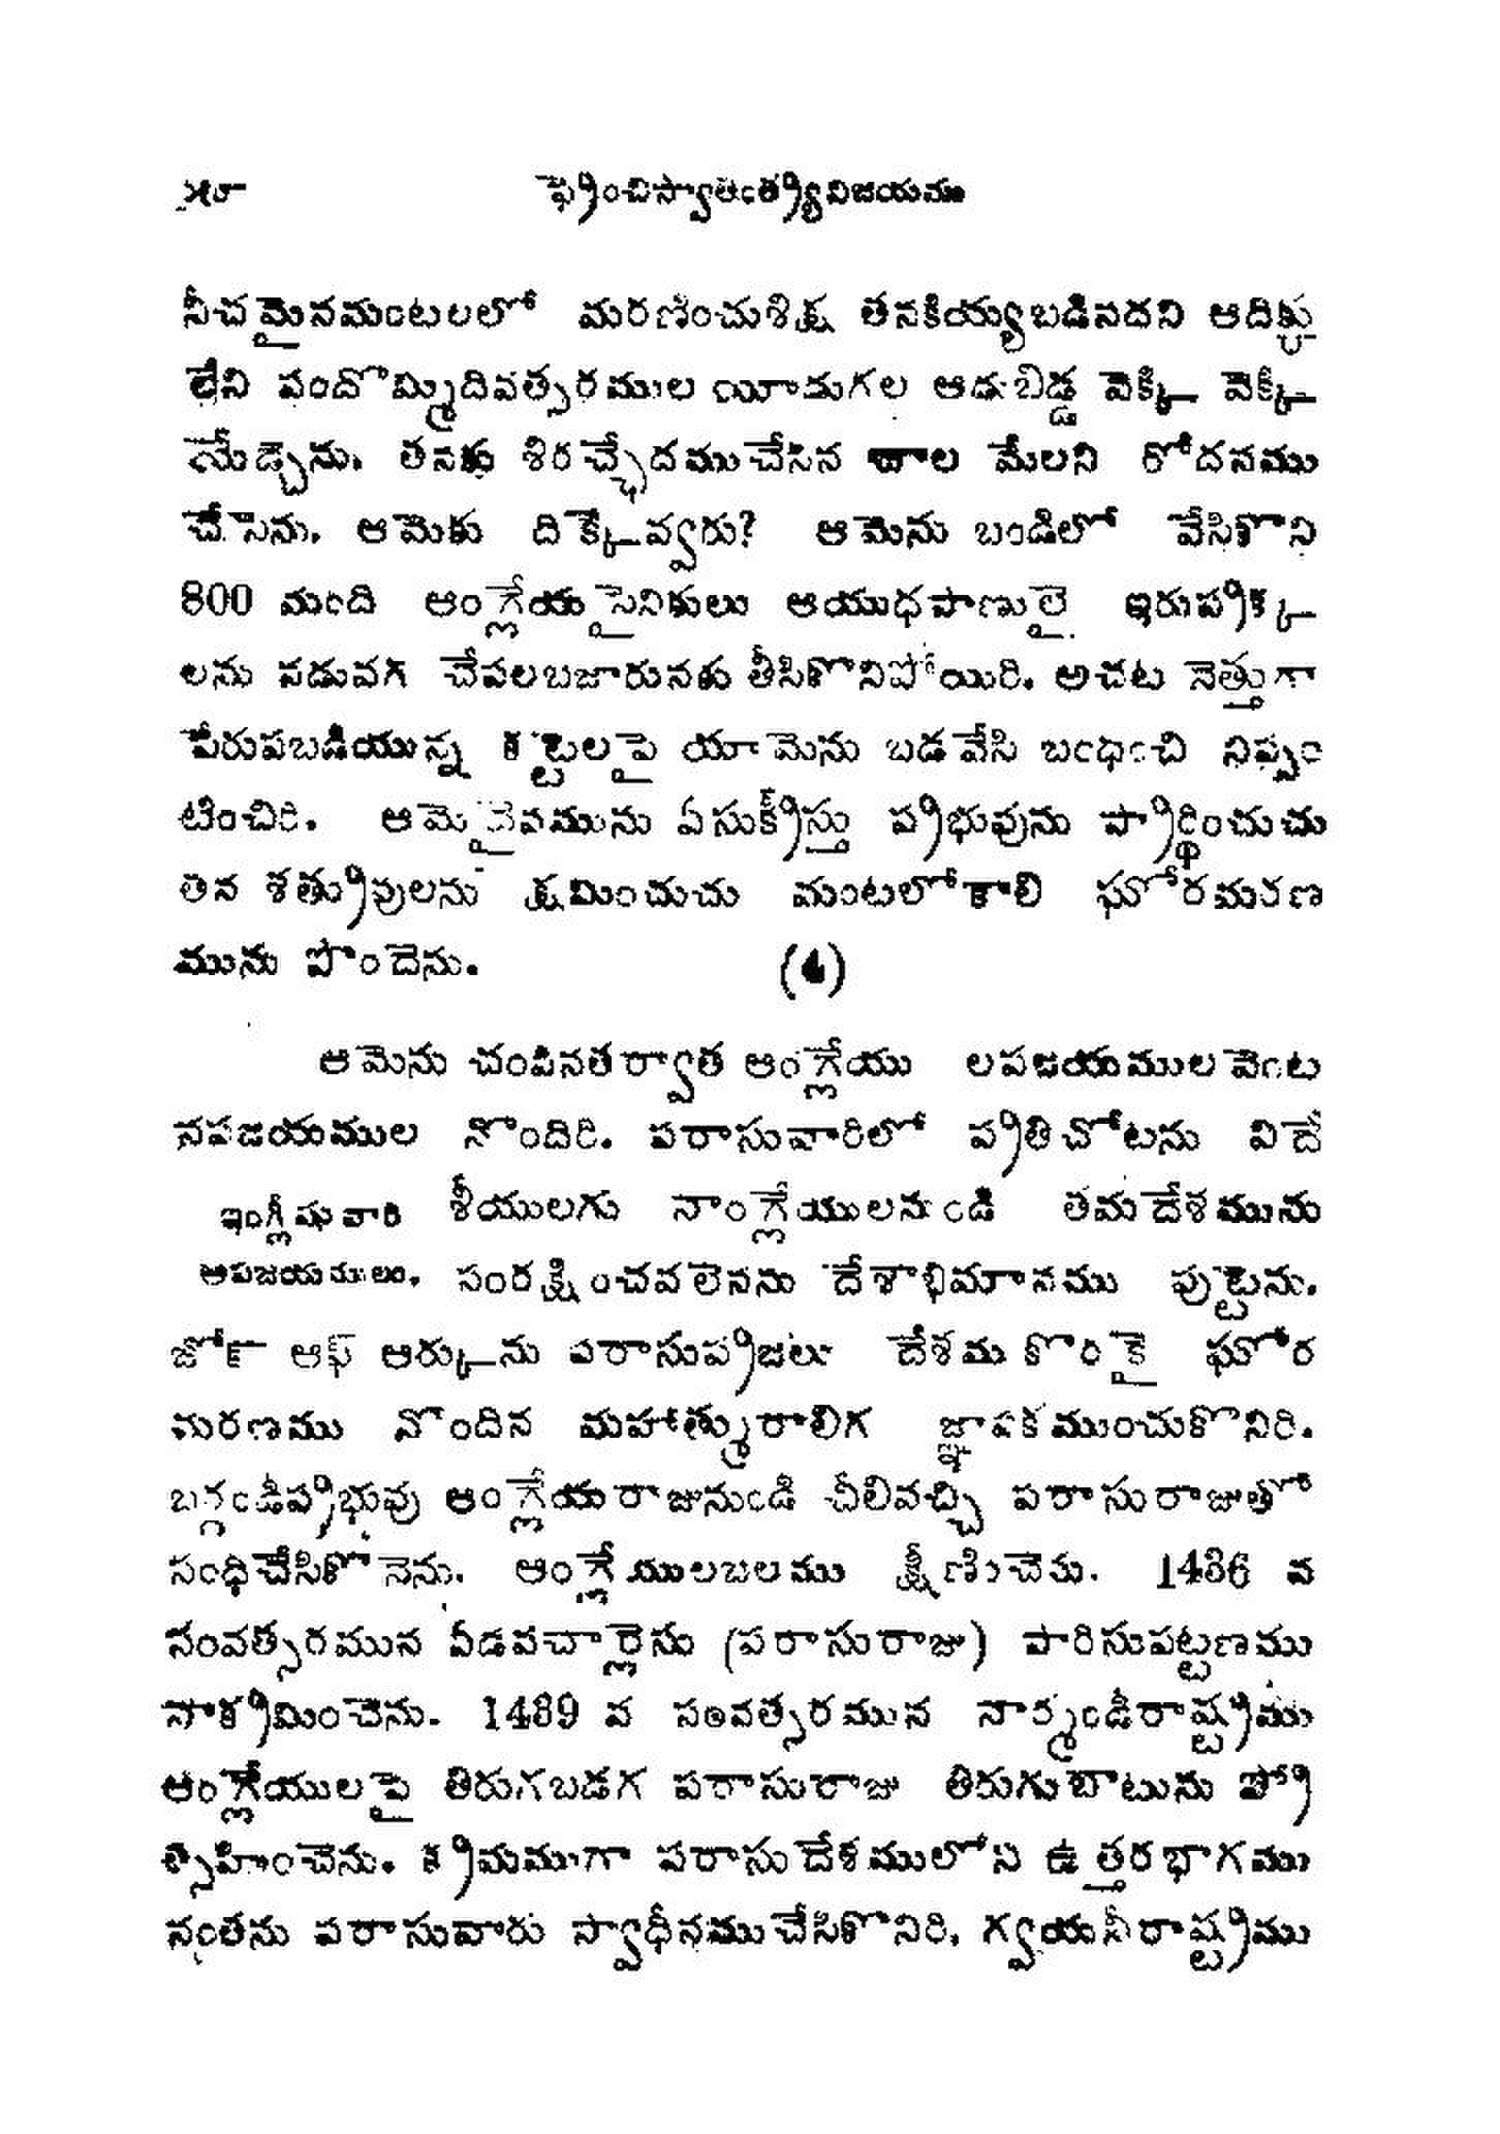నీచమైన మంటలలో మరణించు శిక్ష తనకియ్య బడినదని ఆదిక్కు
లేని పందొమ్మిది వత్సరముల యీడుగల ఆడబిడ్డ వెక్కి వెక్కి 
యేడ్చెను. తనకు శిరచ్ఛేదము చేసిన చాల మేలని రోదనము
చేసెను, ఆమెకు దిక్కెవ్వరు? ఆమెను బండిలో వేసికొని
800 మంది ఆంగ్లేయ సైనికులు ఆయుధపాణులై ఇరు పక్క-
లను నడువగ చేపల బజారునకు తీసికొనిపోయిరి. అచట నెత్తుగా
పేరుప బడియున్న కట్టెలపై యామెను బడ వేసి బంధించి నిప్పం
టించిరి. ఆమె దైవమును ఏసుక్రీస్తు ప్రభువును ప్రార్థించుచు
తన శత్రువులను క్షమించుచు మంటలో కాలి ఘోరమరణ
మును పొందెను.

ఇంగ్లీషు వారి
అపజయములు
ఆమెను చంపిన తర్వాత ఆంగ్లేయు అపజయముల వెంట
సపజయముల నొందిరి. పరాసువారిలో ప్రతి చోటను విదే
శీయులగు నాంగ్లేయులనుండి తమ దేశమును
సంరక్షించవ లెనను 'దేశాభిమాసము పుట్టెను.
జోన్ ఆఫ్ ఆర్కును పరాసుప్రజలు దేశము కొరకై ఘోర
మరణము నొందిన మహాత్మురాలిగ జ్ఞాపకముంచుకొనిరి.
బగ్గండీప్రభువు ఆంగ్లేయ రాజునుండి చీలివచ్చి పరాసు రాజుతో
సంధి చేసికొనెను. ఆంగ్లేయుల బలము క్షీణించెను. 1436 వ
సంవత్సరమున ఏడప చార్లెసు (పరాసురాజు) పారిసుపట్టణము
నాక్రమించెను. 1439 వ సంవత్సరమున నార్మండీ రాష్ట్రము
ఆంగ్లేయుల పై తిరుగబడగ పరాసురాజు తిరుగుబాటును ప్రో
త్సహించెను. క్రమముగా పరాసు దేశములోని ఉత్తర భాగము
నంతను పరాసువారు స్వాధీనము చేసికొనిరి. గ్వయ నీ రాష్ట్రము